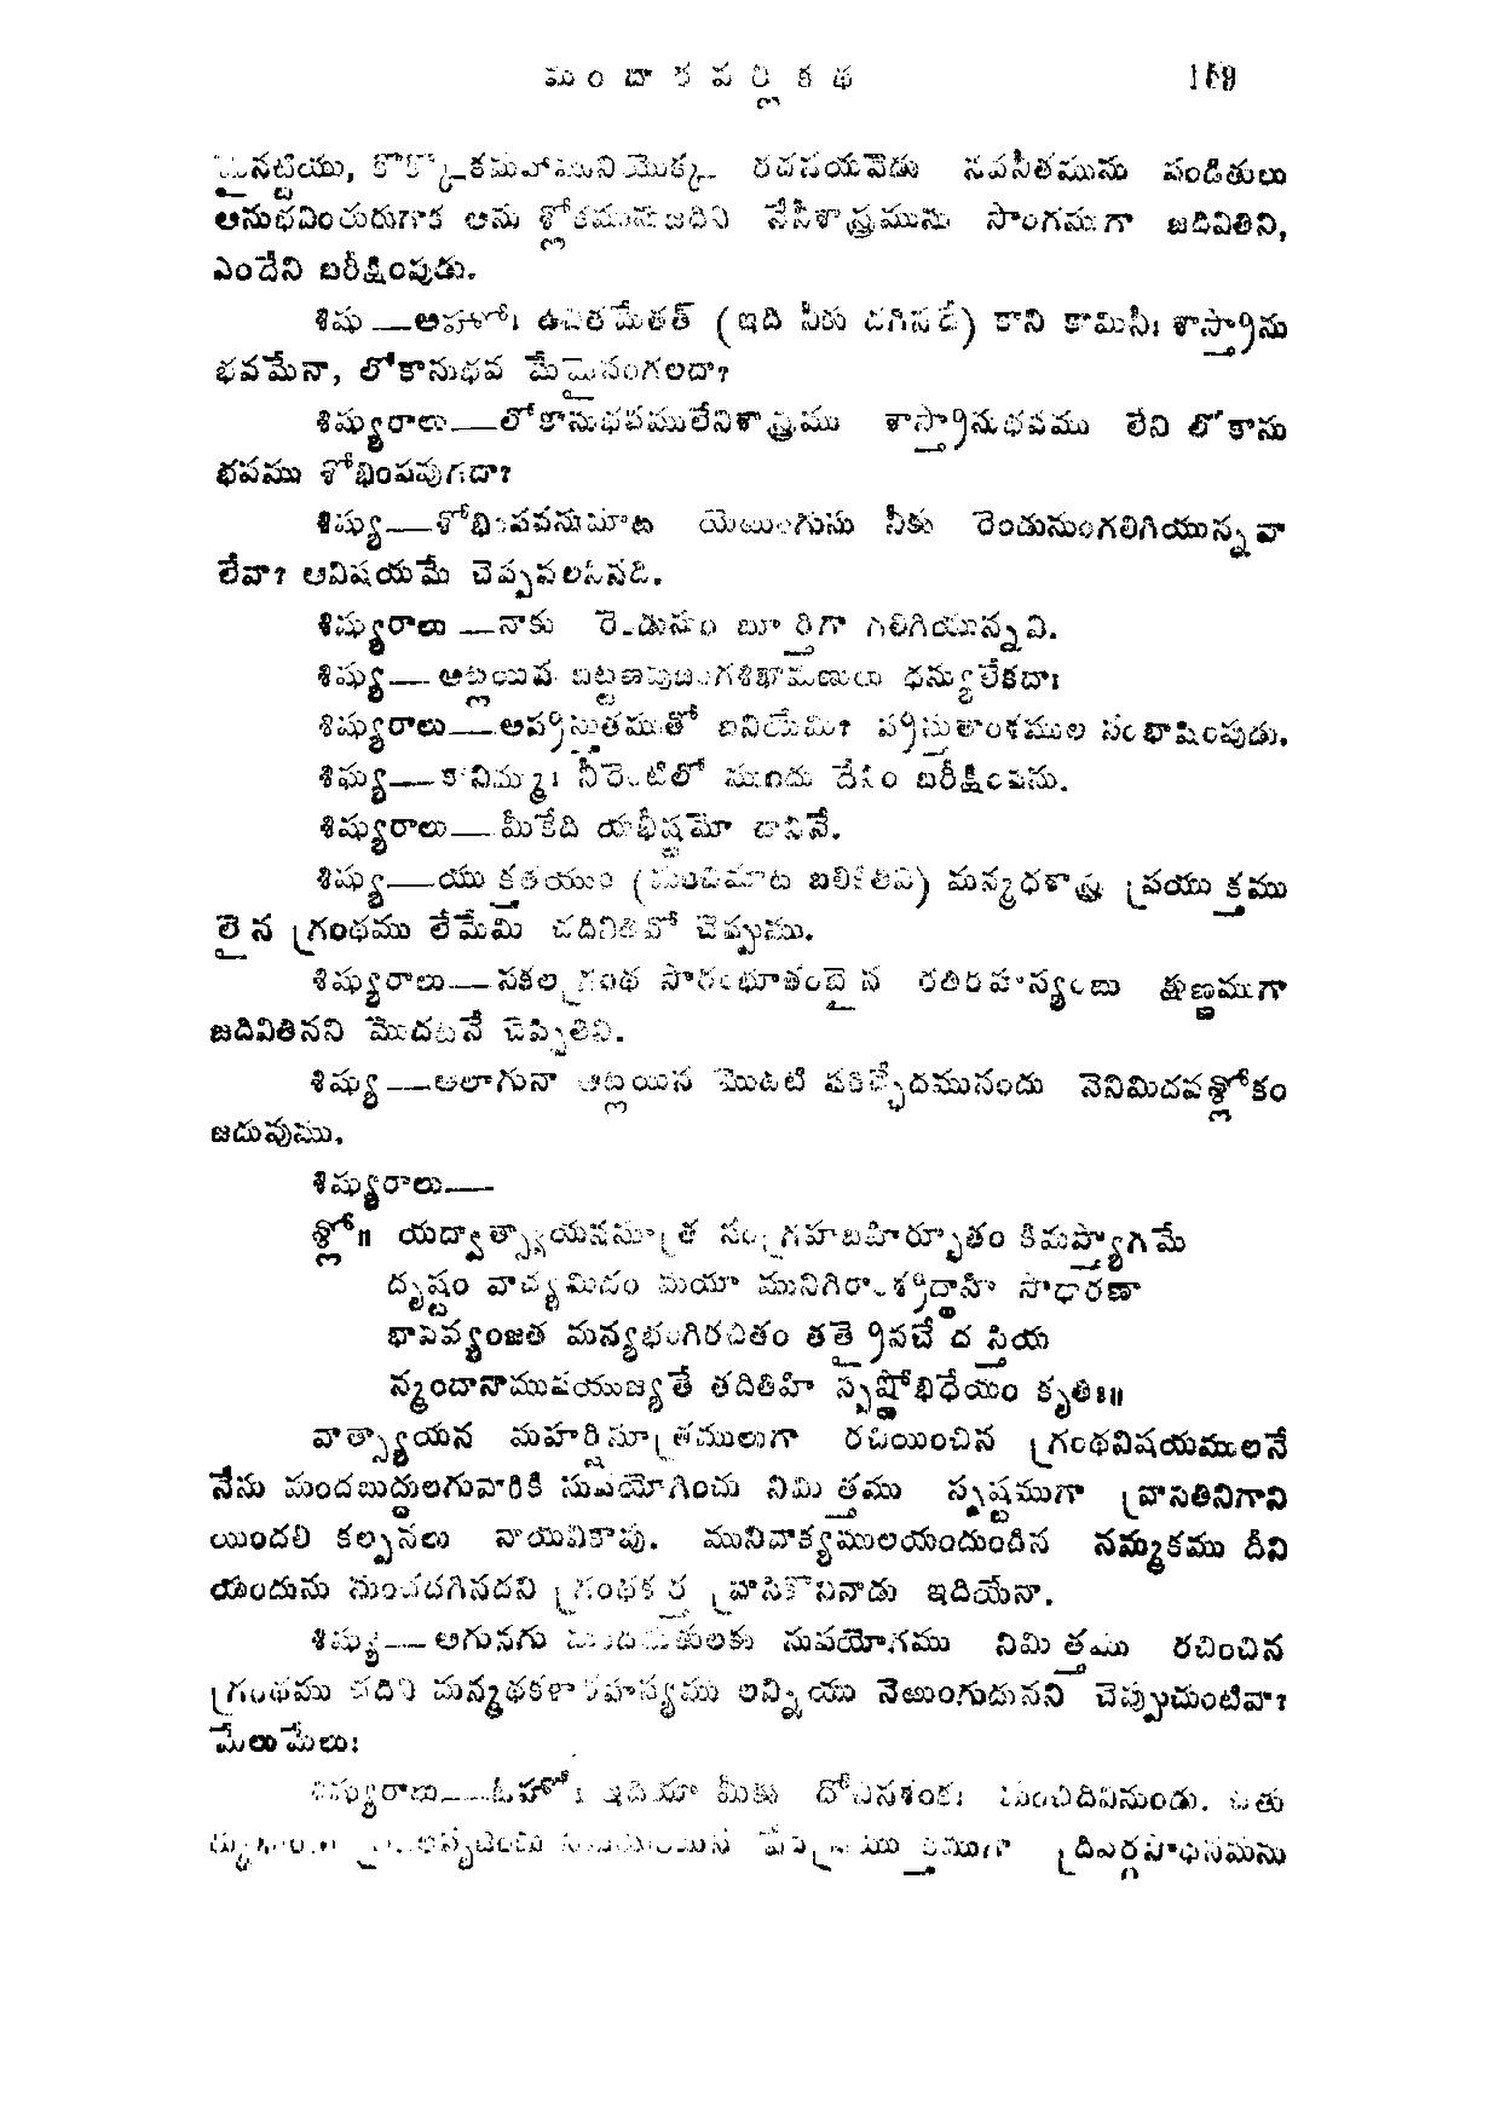మైనట్టియు, కొక్కొకమహామునియొక్క రచనయనెడు నవనీతమును పండితులు అనుభవింతురుగాక అను శ్లోకమునుజదివి నేనీశాస్త్రమును, సాంగముగా జదివితిని, ఎందేని బరీక్షింపుడు.

శిషు - ఆహా! ఉచితమేతత్ (ఇది నీకు దగినదే) కాని కామినీ! శాస్త్రానుభవమేనా, లోకానుభవ మేమైనంగలదా?

శిష్యురాలు - లోకానుభవములేనిశాస్త్రము. శాస్త్రానుభవము లేని లోకానుభవము శోభింపవుగదా?

శిష్యు - శోభింపవనుమాట యెఱుంగును నీకు రెండునుంగలిగియున్నవా లేవా? అవిషయమే చెప్పవలసినది.

శిష్యురాలు -- నాకు రెండునుం బూర్తిగా గలిగియున్నవి.

శిష్యు --- అట్లయిన బట్టణపుజంగశిఖామణులు ధన్యులేకదా?

శిష్యురాలు --- అప్రస్తుతముతో బనియేమి? ప్రస్తుతాంశముల సంభాషింపుడు.

శిష్యు -- కానిమ్ము! నీ రెంటిలో ముందు దేనిం బరీక్షింపను.

శిష్యురాలు — మీకేది యభీష్టమో దానినే.

శిష్యు — యుక్తతయుం (మంచిమాట బలికితివి) మన్మథశాస్త్ర ప్రయుక్తములైన గ్రంథము లేమేమి చదివితివో చెప్పుము.

శిష్యురాలు -- సకలగ్రంథసారంభూతంబైన రతిరహస్యంబు క్షుణ్ణముగా జదివితినని మొదటనే చెప్పితిని.

శిష్యు -- ఆలాగునా అట్లయిన మొదటి పరిచ్ఛేదమునందు నెనిమిదవశ్లోకం జదువుము.

శిష్యురాలు-

శ్లో॥ యద్వాత్స్యాయనసూత్ర సంగ్రహబహిర్భూతం కిమస్త్యాగమే
 దృష్టం వాచ్యమిదం మయా మునిగిరాంశ్రద్దాహి సాధారణా
 భావివ్యంజత మన్యభంగిరచితం తత్రైవచే దస్తియ
 న్మందానాముపయుజ్యతే తదితిహి స్పష్ణోభిధేయం కృతిః॥
వాత్స్యాయన మహర్షిసూత్రములుగా రచియించిన గ్రంథవిషయములనే నేను మందబుద్ధులగువారికి నుపయోగించు నిమిత్తము స్పష్టముగా వ్రాసితినిగాని యిందలి కల్పనలు నాయవికావు.
మునివాక్యములయందుండిన నమ్మకము దీని యందును నుండదగినదని గ్రంథకర్త వ్రాసికొనినాడు
ఇదియేనా.

శిష్యు -- అగునగు మందమతులకు సుపయోగము నిమిత్తము రచించిన గ్రంథము చదివి మన్మథకళారహస్యము లన్నియు నెఱుంగుదునని చెప్పుచుంటివా? మేలు మేలు!

శిష్యురాలు - ఓహో! ఇదియా మీకు దోచినశంక. మంచిదినుండు. చతు------- సృజించు సమయమున వేదప్రయుక్తముగా ద్రివర్గసాధనమను